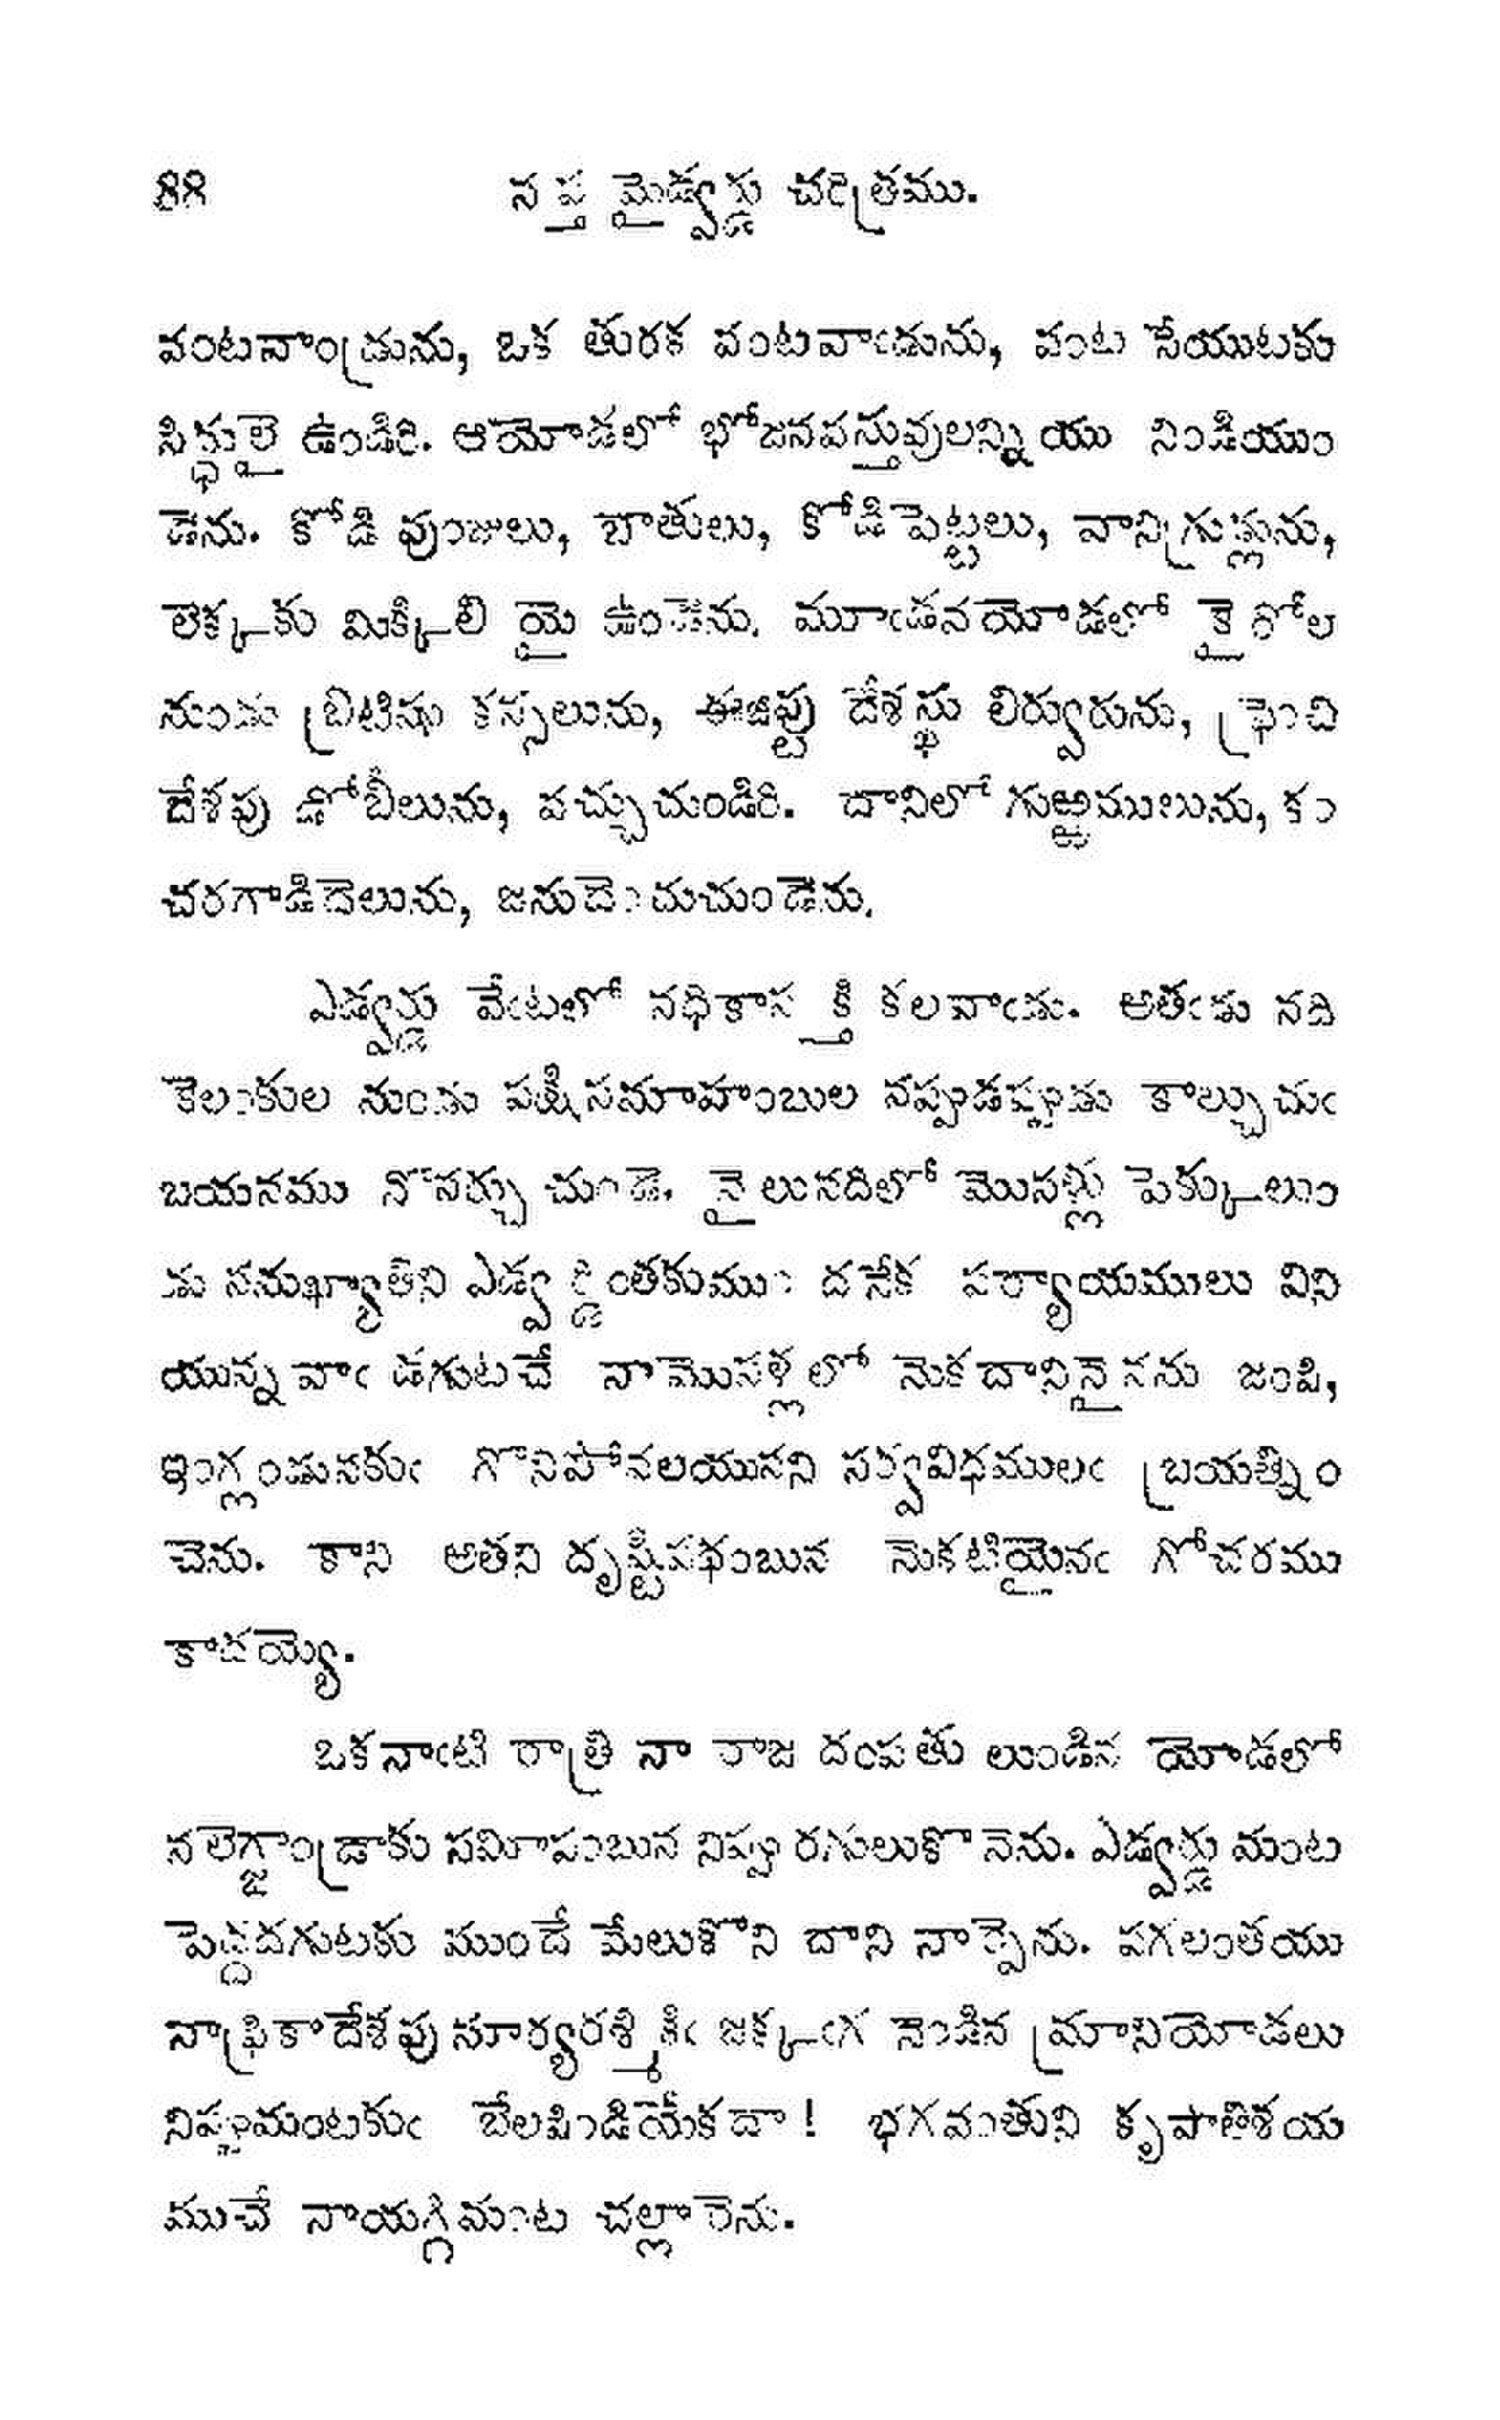వంటవాండ్రును, ఒక తురక వంటవాఁడును, వంట సేయుటకు సిద్ధులై ఉండిరి. ఆయోడలో భోజన వస్తువులన్నియు నిండియుం డెను. కోడి పుంజులు, బాతులు, కోడి పెట్టలు, నాని గ్రుడ్లును,
లెక్కకు మిక్కిలియై ఉండెను. మూఢవ యోడ కైరోల నుండు బ్రిటిషు కస్సలును, ఈజిప్టు దేశస్థు లిర్వురును, ఫ్రెంచి దేశపు డోబీలును, వచ్చుచుండిరి. దానిలో గుఱ్ఱములును, కం
చరగాడిదెలును, జనుదెంచుచుండెను.

ఎడ్యంర్డు వేటలో నధికాసక్తి కలవాడు. అతడు నది కెలంకుల నుండు పక్షి సనూహంబుల నప్పుడప్పుడు కాల్చుచుఁబయనము నొసర్చు చుండె. నైలు నదిలో మొసళ్లు పెక్కులుం
డు సను ఖ్యాతిని ఎడ్వర్డింతకుముందనేక పర్యాయములు విని యున్న వాఁ డగుటచే నామొసళ్లలో ఒక దానినైనను జంపి, ఇంగ్లండుసకుఁ గొనిపోవలయునని సర్వవిధములఁ బ్రయత్నం
చెను. కాని అతని దృష్టి పదంబున ఒక టి యైనఁ గోచరము కాదయ్యె.

ఒక నాఁటి రాత్రి నా రాజ దంపతు లుండిన యోడలో నలెగ్జాండ్రాకు సమీపంబున నిప్పు రగులుకొనెను. ఎడ్వర్డు మంట పెద్దదగుటకు ముందే మేలుకొని దాని నార్పెను. పగలంతయు
నాఫ్రికా దేశపు సూర్యరశ్మికిఁ జక్కగా నెండిన మ్రాని యోడలు నిష్పమంటకుఁ బేలపిండియేకదా ! భగవంతుని కృపాతిశయముచే నొయగ్గిమంట చల్లా రెను.